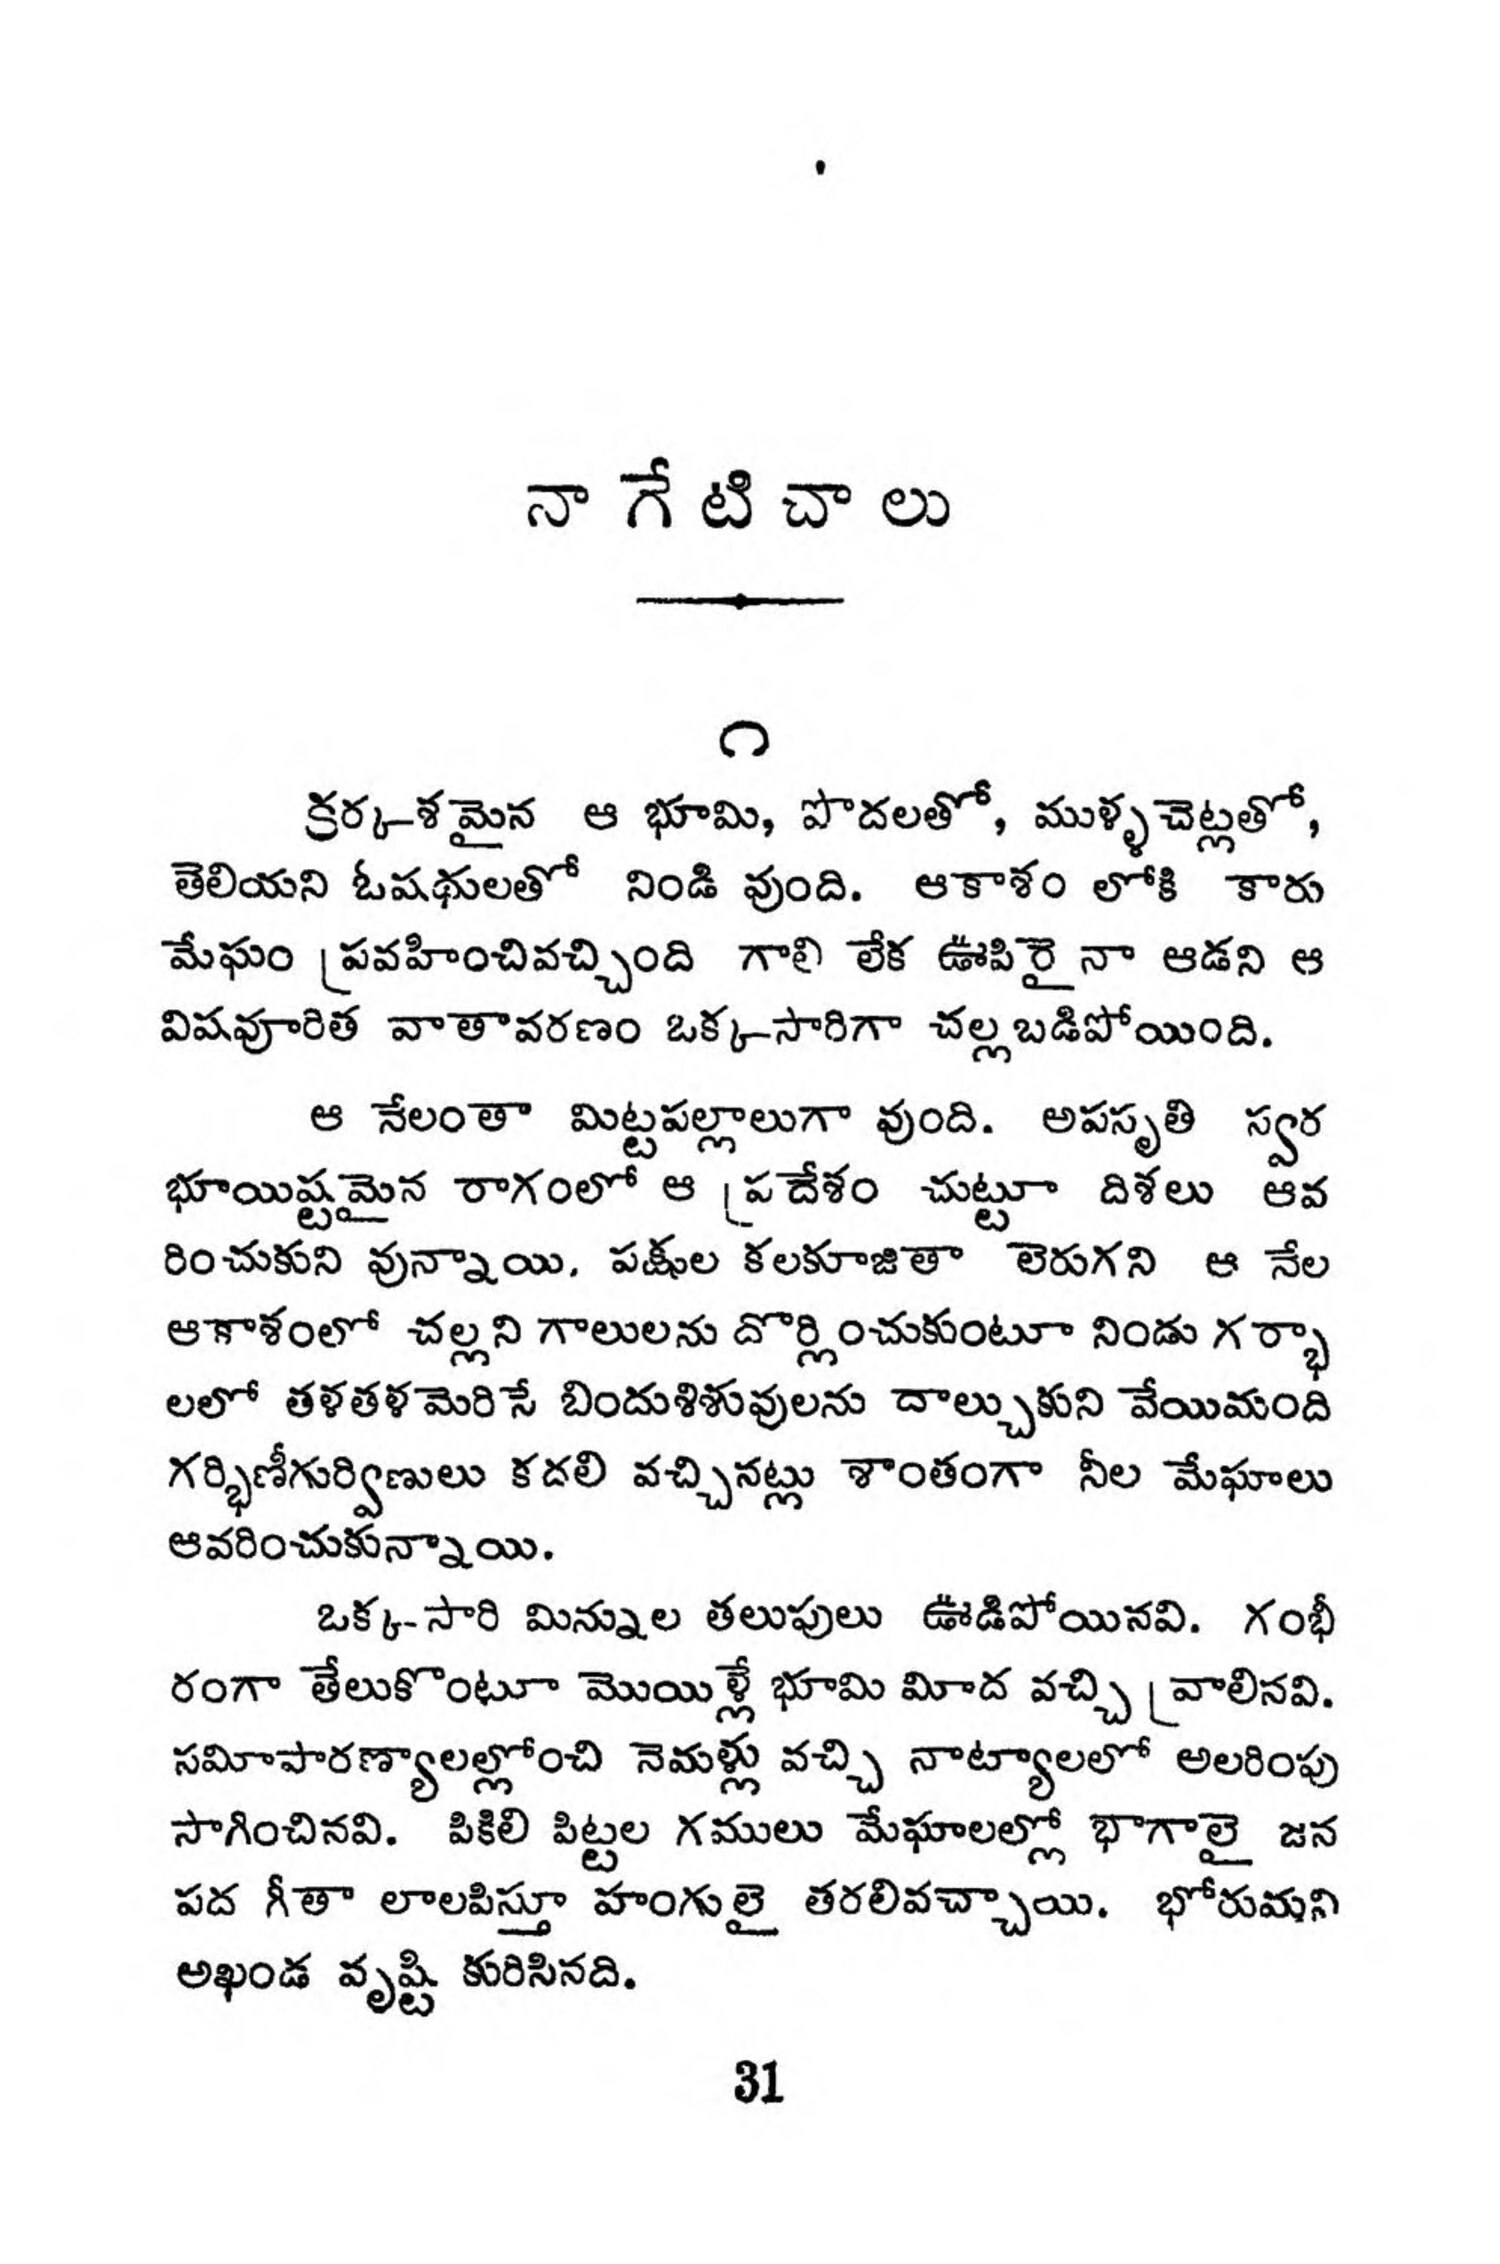నాగేటిచాలు

1

కర్కశమైన ఆ భూమి, పొదలతో, ముళ్ళచెట్లతో, తెలియని ఓషథులతో నిండి వుంది. ఆకాశంలోకి కారు మేఘం ప్రవహించివచ్చింది. గాలి లేక ఊపిరైనా ఆడని ఆవిషపూరిత వాతావరణం ఒక్కసారిగా చల్లబడిపోయింది.

ఆ నేలంతా మిట్టపల్లాలుగా వుంది. అపసృతి స్వర భూయిష్టమైన రాగంలో ఆ ప్రదేశం చుట్టూ దిశలు ఆవరించుకుని వున్నాయి. పక్షుల కలకూజితా లెరుగని ఆ నేల ఆకాశంలో చల్లని గాలులను దొర్లించుకుంటూ నిండు గర్భాలలో తళతళమెరిసే బిందుశిశువులను దాల్చుకుని వేయిమంది గర్భిణీగుర్విణులు కదలి వచ్చినట్లు శాంతంగా నీల మేఘాలు ఆవరించుకున్నాయి.

ఒక్కసారి మిన్నుల తలుపులు ఊడిపోయినవి. గంభీరంగా తేలుకొంటూ మొయిళ్లే భూమి మీద వచ్చి వ్రాలినవి. సమీపారణ్యాలల్లోంచి నెమళ్లు వచ్చి నాట్యాలలో అలరింపు సాగించినవి. పికిలి పిట్టల గములు మేఘాలల్లో భాగాలై జనపద గీతా లాలపిస్తూ హంగులై తరలివచ్చాయి. భోరుమని అఖండ వృష్టి కురిసినది.